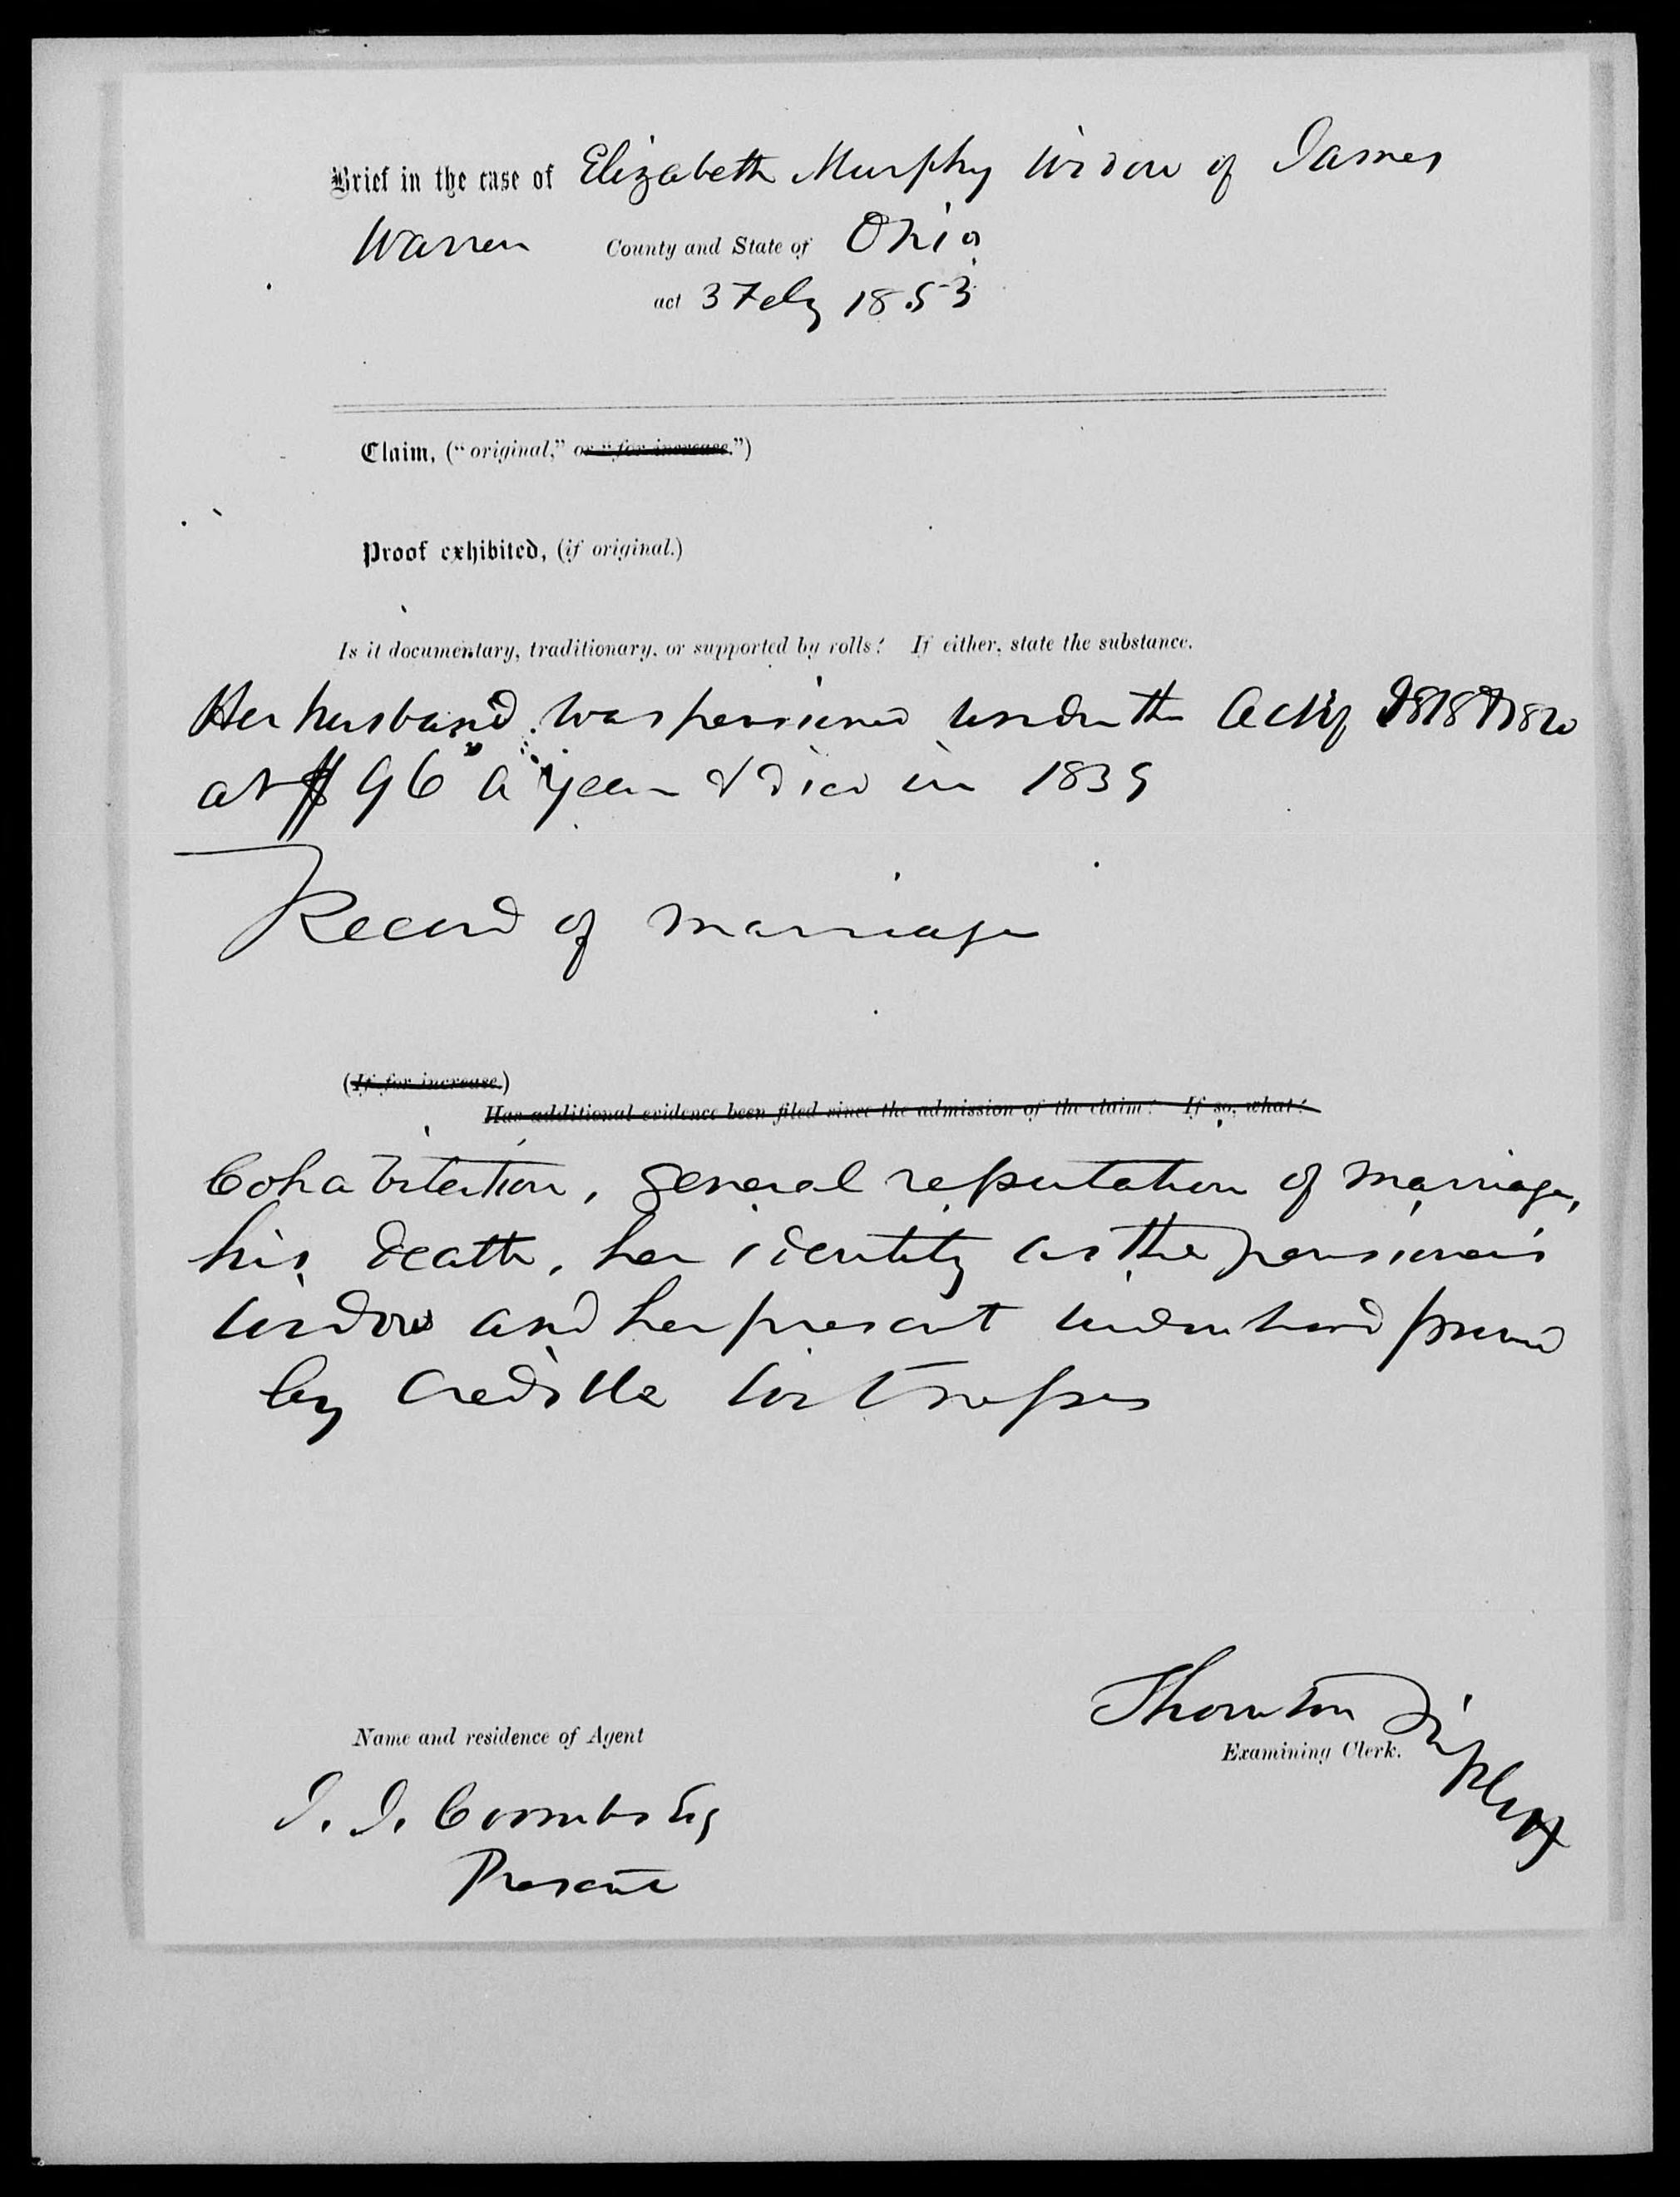Brief in the case of Elizabeth Murphy Widow of James
Warren County and State of Ohio
at 3 Feby 1853
===================
Claim, "original'
Proof exhibited, (if original)
Is it documentary, traditionary, or supported by rolls? If either, state the substance.

Her husband was pensioned under the Act 1882
at $96 a year-- & died in 1835
Record of marriage

(If for increase)
Has additional evidence been filed in the admission of the claim, if so what?
Cohabitation, General reputation of Marriage
his death, her identity as the pensioners
widow and her present widowhood [  prem ]
by credible witnesses

Name and residence of Agent
J. J. Coombs
Present

Examining Clerk.
Thomson Triplett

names: Elizabeth Murphy; James Murphy; J J Coombs; Thornton Triplett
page: 51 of 57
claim: widow's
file: W. 25,739, for James Murphey, Pennsylvania